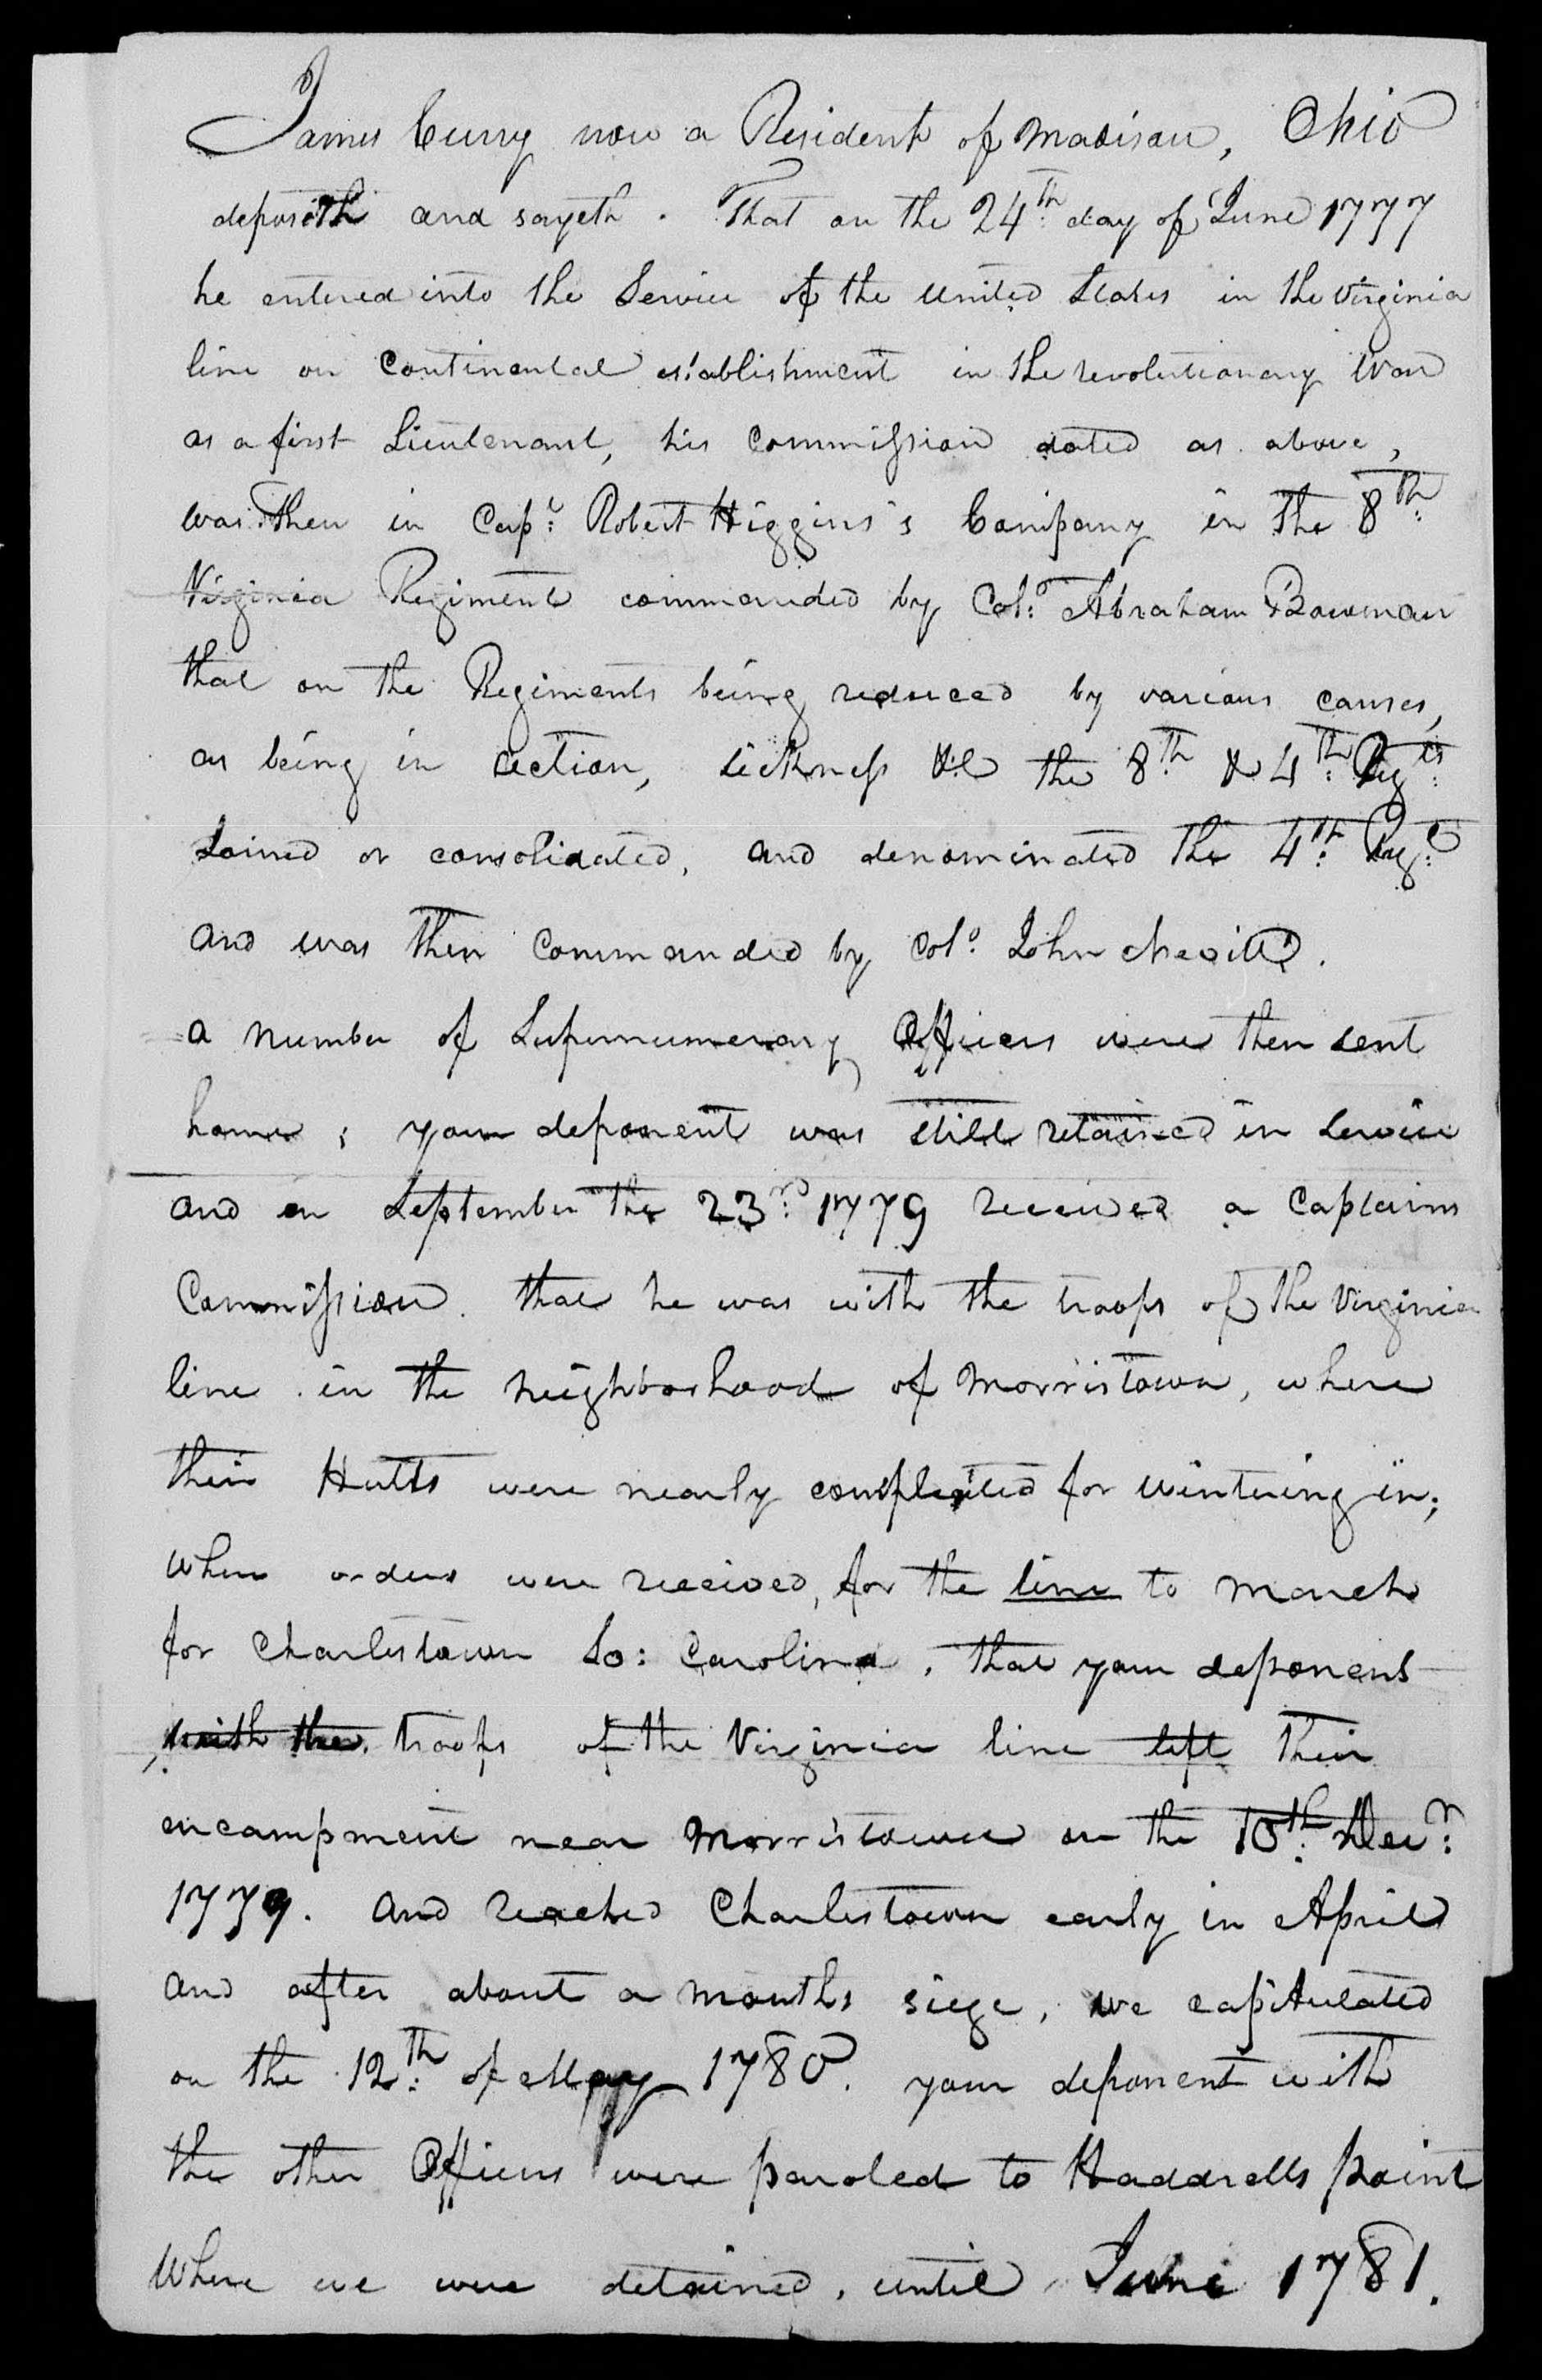James Curry now a Resident of Madison, Ohio deposeth and sayeth. That on the 24th day of June 1777 he entered into the Service of the United States in the Virginia
line on Continental establishment in the revolutionary War
as a first Lieutenant, his commission dated as above,
was then in Capt Robert Higgins's Company in the 8th
Virginia Regiment commanded by Col. Abraham Bowman
that on the Regiments being reduced by various causes
as being in action, sickness & the 8th & 4th Regts
joined or consolidated, and denominated the 4th Regt
and was then commanded by Col John Nevill.
A number of Supernumerary Officers were then sent
home; your deponent was still retained in service
and on September the 23rd 1779 Received a Captains
Commission. that he was with the troops of the Virginia
line in the neighborhood of Morristown, where
their
Hutts were nearly completed for wintering in;
when orders were received, for the line to march
for Charlestown So. Carolina. That your deponent with the troops of the Virginia line left their
encampment near Morristown on the 10th Dec'r
1779. and reached Charlestown early in April
and after about a months siege, we capitulated
on the 12th of May 1780. Your deponent with
the other Officers were paroled to Haddrells point
where we were detained, until June 1781.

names: John Nevill, James Curry, Abraham Bowman, Cannipion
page: 4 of 32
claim: survivor's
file: S. 44230, James Curry, Va.